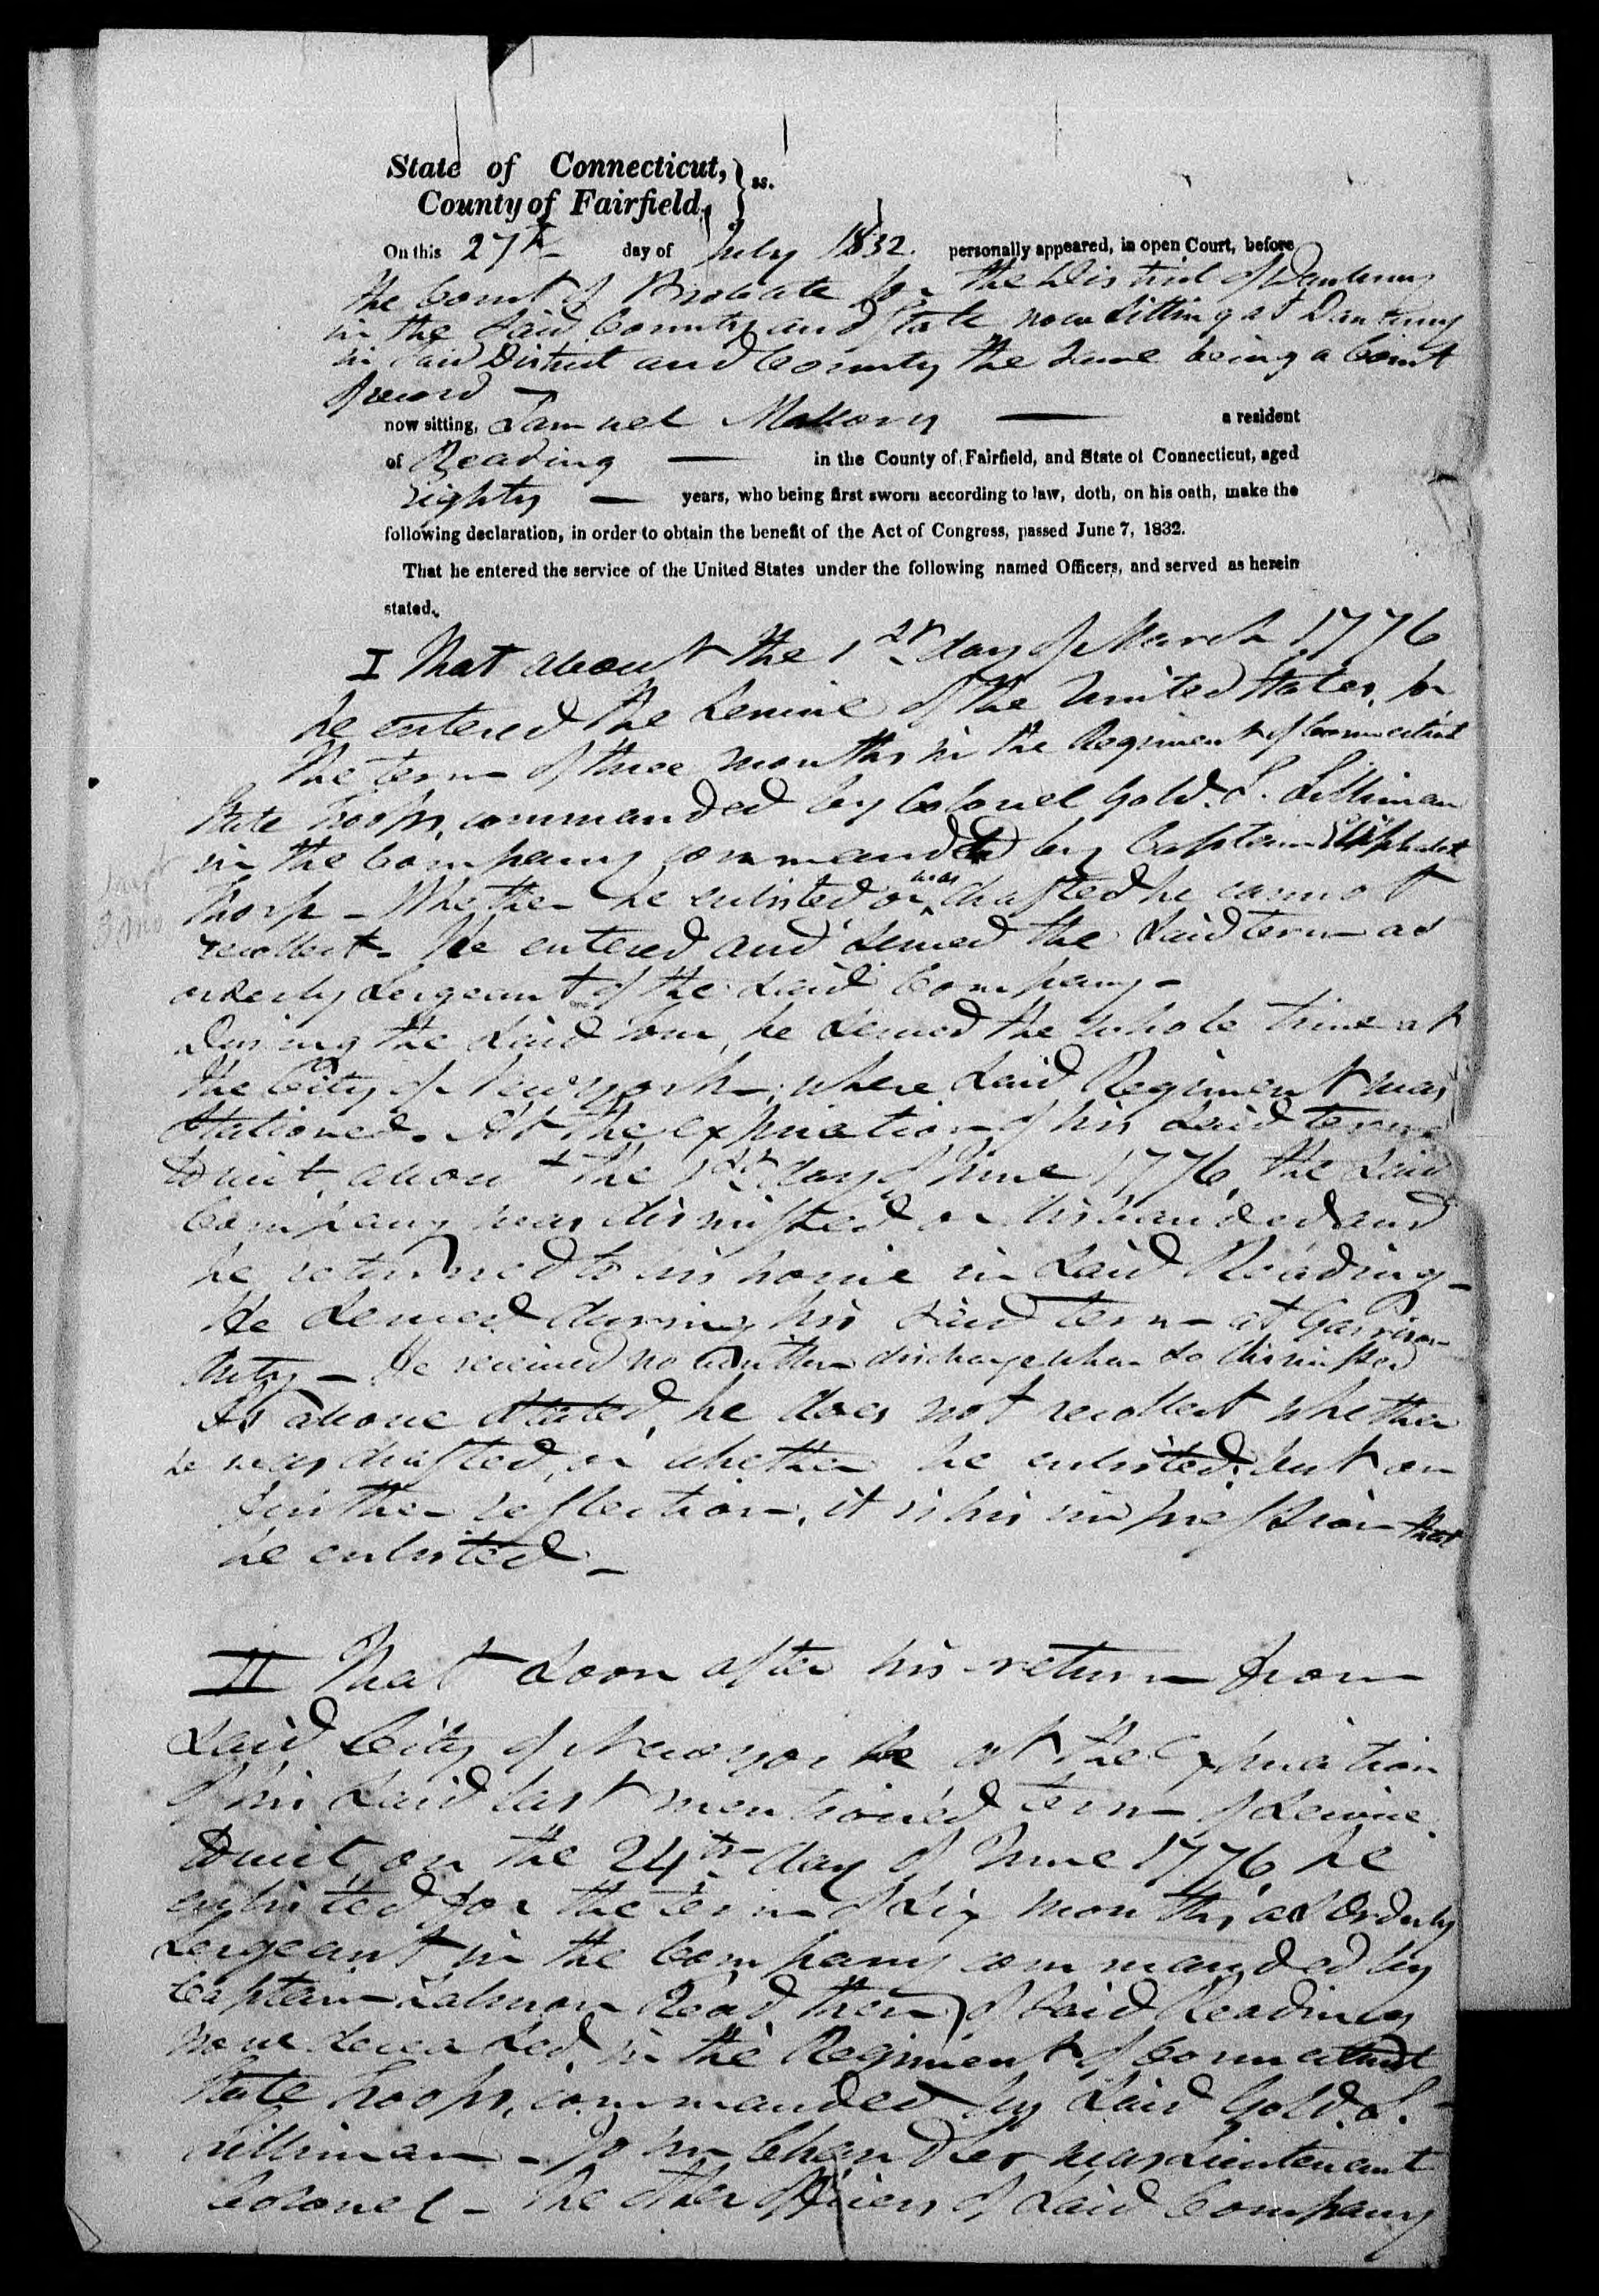State of Connecticut
County of Fairfield } ss
On this 27th day of  July 1832 personally appeared in open Court, before the Court of Probate for the District of Danbury in the said County and State now sitting at Danbury in said District and County the same being a Court of record, 
now sitting, Samuel Mallory a resident of Reading in the County of Fairfield, and State of Connecticut, aged Eighty years, who being first sworn according to law, doth, on his oath, make the following declaration, in order to obtain the benefit of the Act of Congress, passed June 7, 1832. 
That he entered the service of the United States under the following named officers, and served as herein stated. I That about the 1st day of March 1776 he entered the Service of the United States for the term of three months in the Regiment of Connecticut State troops commanded by Col. Gold S Silliman in the Company commanded by Captain Eliphalet Thorp 
[unreadable] 3 mo.
Whether he enlisted or was drafted he cannot recollect. He entered and served the said term as orderly Sergeant of the said Company.   During the said Tour, he served the whole time at the City of New York, where said Regiment was stationed.  At the expiration of his said term to wit, about the 13 day June 1776, the said Company was dismissed or disbanded and he returned to his house in said Reading.  He served during his said term at Garrison duty.   He received no written discharge when so dismissed.  As above stated, he does not recollect whether he was drafted or whether he enlisted but on further reflection, it is his impression he enlisted.   
That soon after his return from said City of York at the expiration of his said last mentioned term of service  to wit on the 24th day of June 1776 he enlisted for the term of six months as Orderly Sergeant in the company commanded by Captain Zalmon Read,  then of said Reading now deceased, in the Regiment of Connecticut State Troops  commanded by said Gold S. Silliman, John Chandler was Lieutenant Colonel.  The other officers of said Company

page: 3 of 29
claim: survivor's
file: S. 23,312, for Samuel Mallery, Connecticut